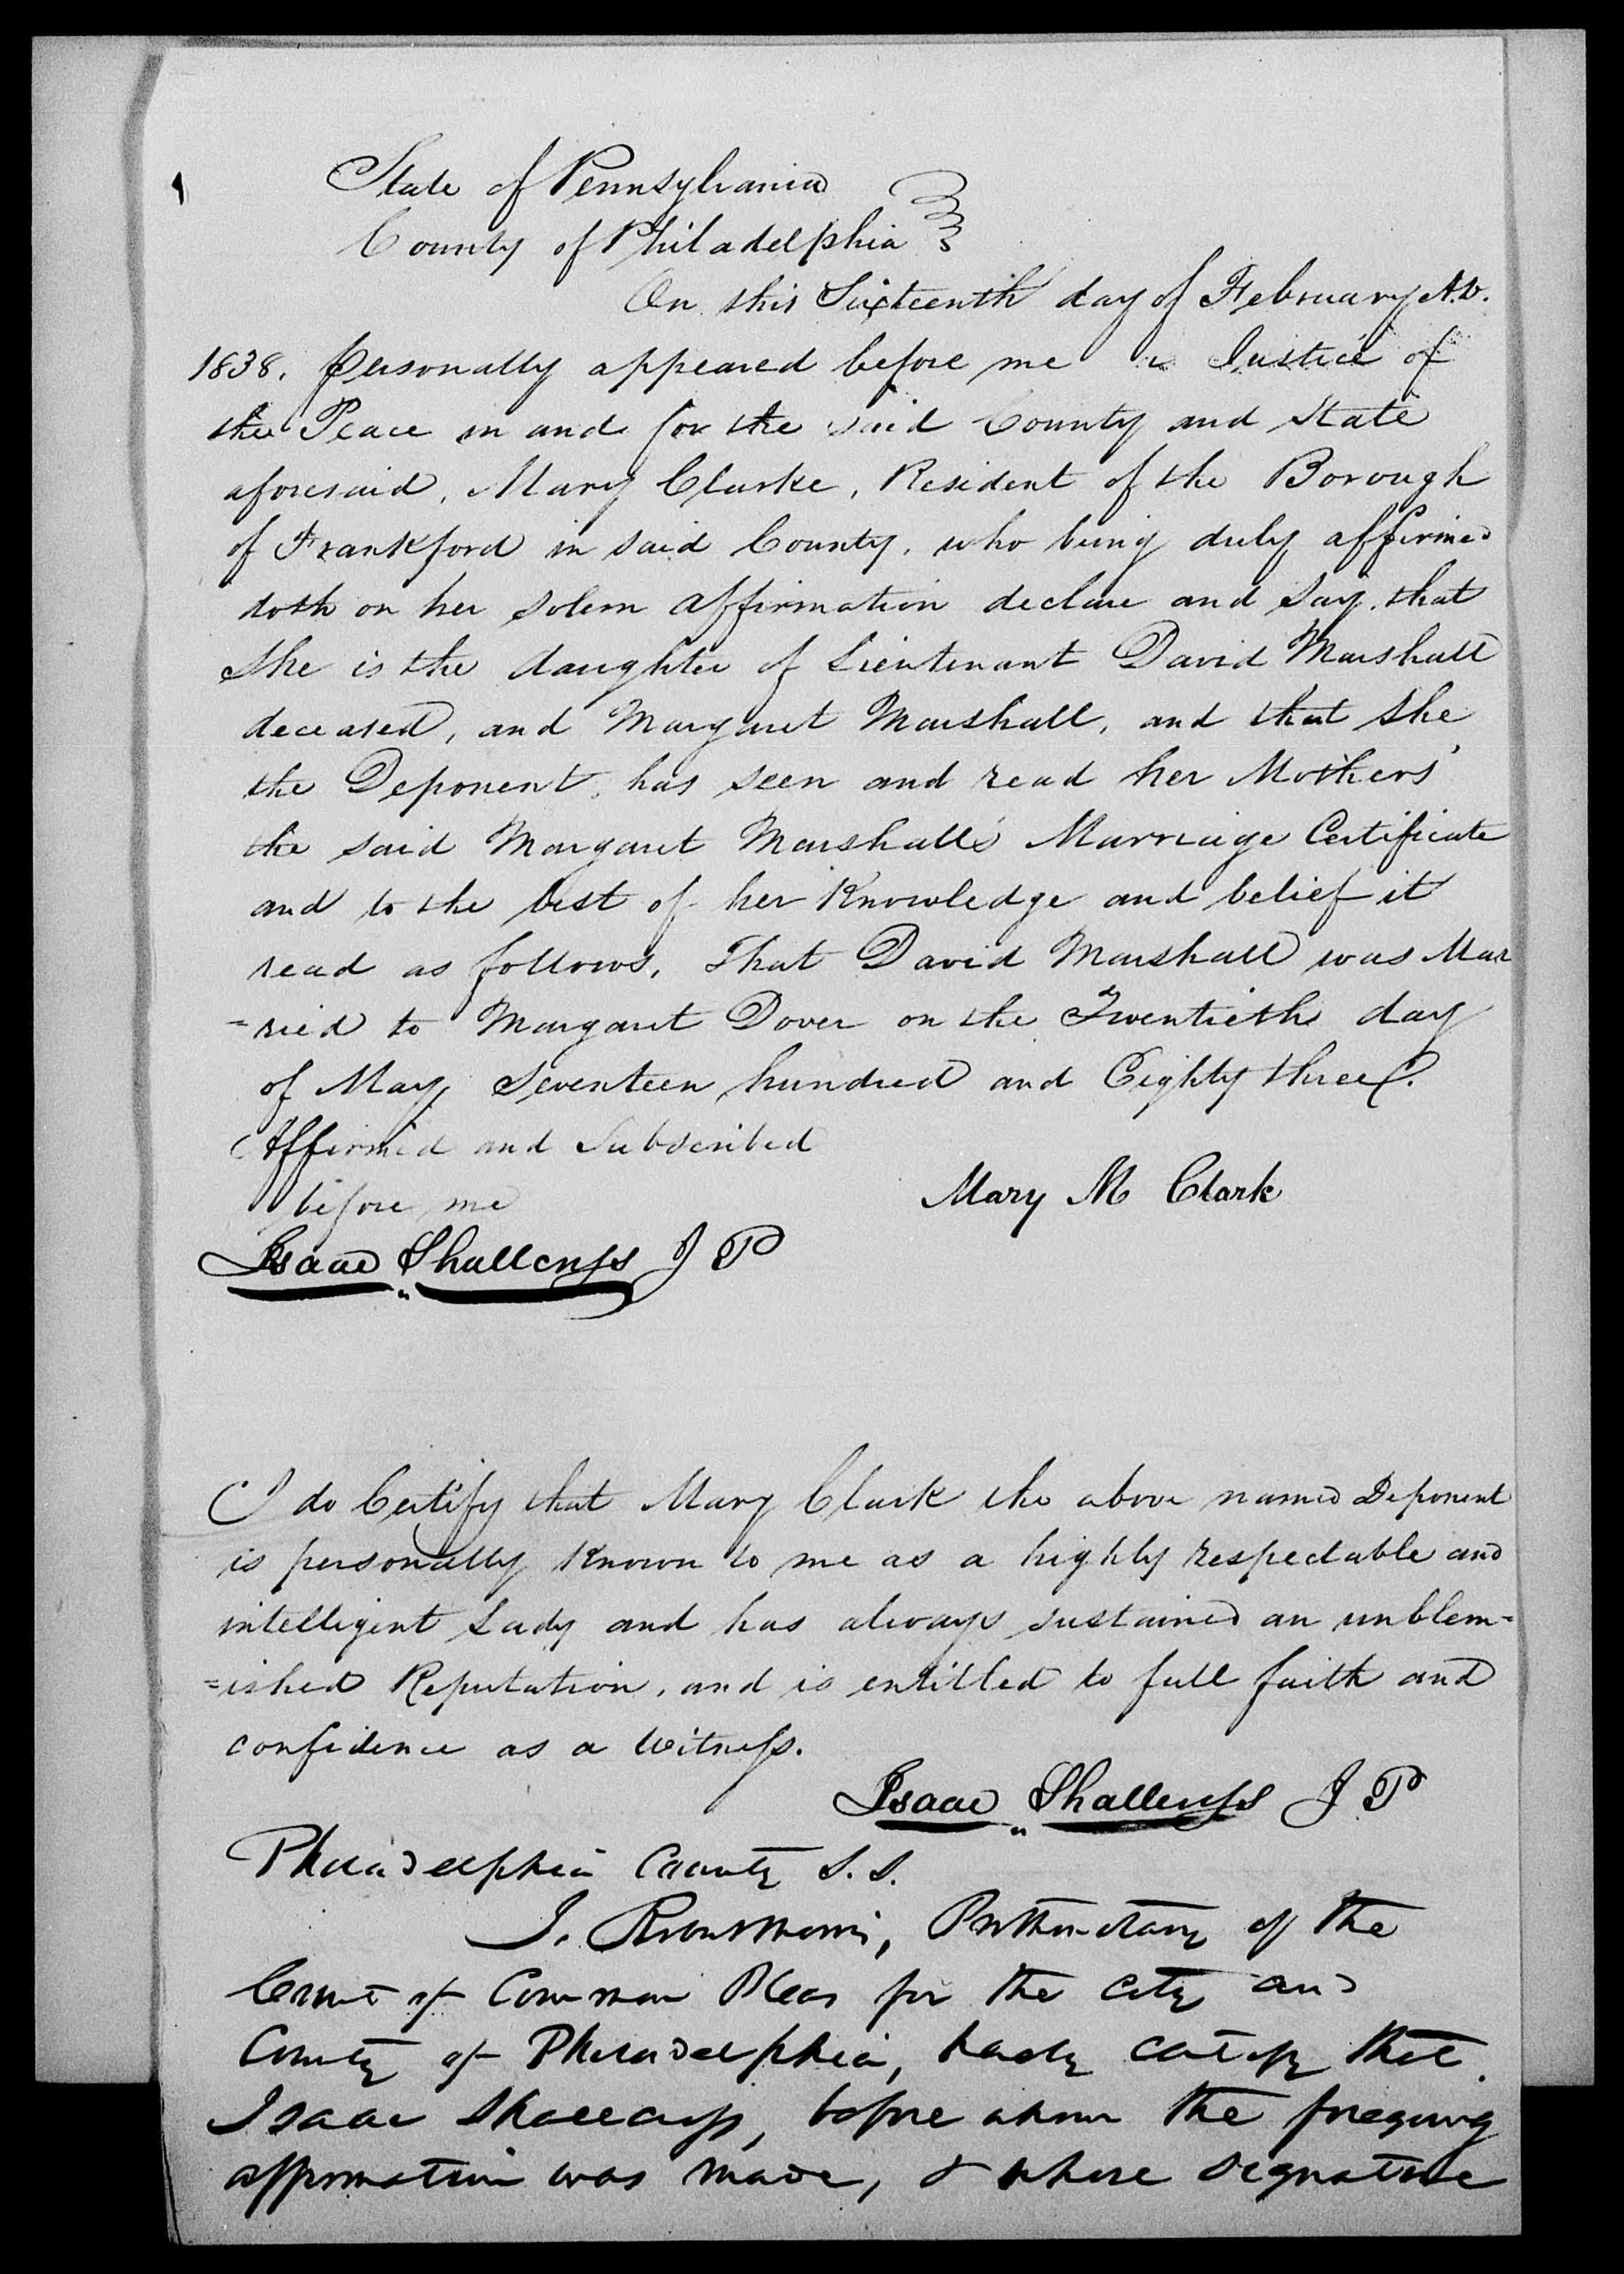State of Pennsylvania
County of Philadelphia

On this Sixteenth day of February A. D. 1838. personally appeared before me as Justice of the Peace on and for the said County and State aforesaid, Mary Clarke, Resident of the Borough of Frankford in said County, who being duly affirmed doth on her solemn affirmation declare and say that she is the daughter of Lieutenant David Marshall deceased, and Margaret Marshall, and that she the Deponent, has seen and read her Mothers' the said Margaret Marshall's Marriage Certificate and to the best of her knowledge and belief it read as follows. That David Marshall was married to Margaret Dover on the Twentieth day of May Seventeen hundred and Eighty three.
Mary M Clark
Affirmed and Subscribed before me
Isaac Shallcross J P

I do Certify that Mary Clark the above named 
Deponent is personally known to me as a highly respectable and intelligent lady and has always sustained an unblemished Reputation, and is entitled to full faith and confidence as a witness.
Isaac Shallcross J P

Philadelphia County S. S.
I. Robert Morris, of the Court of Common Please for the city and County of Philadelphia, hereby certify that Isaac Shallcross, before whom the foregoing affirmation was made & where signature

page: 78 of 86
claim: widow's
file: W. 3571, for David Marshall, Pennsylvania